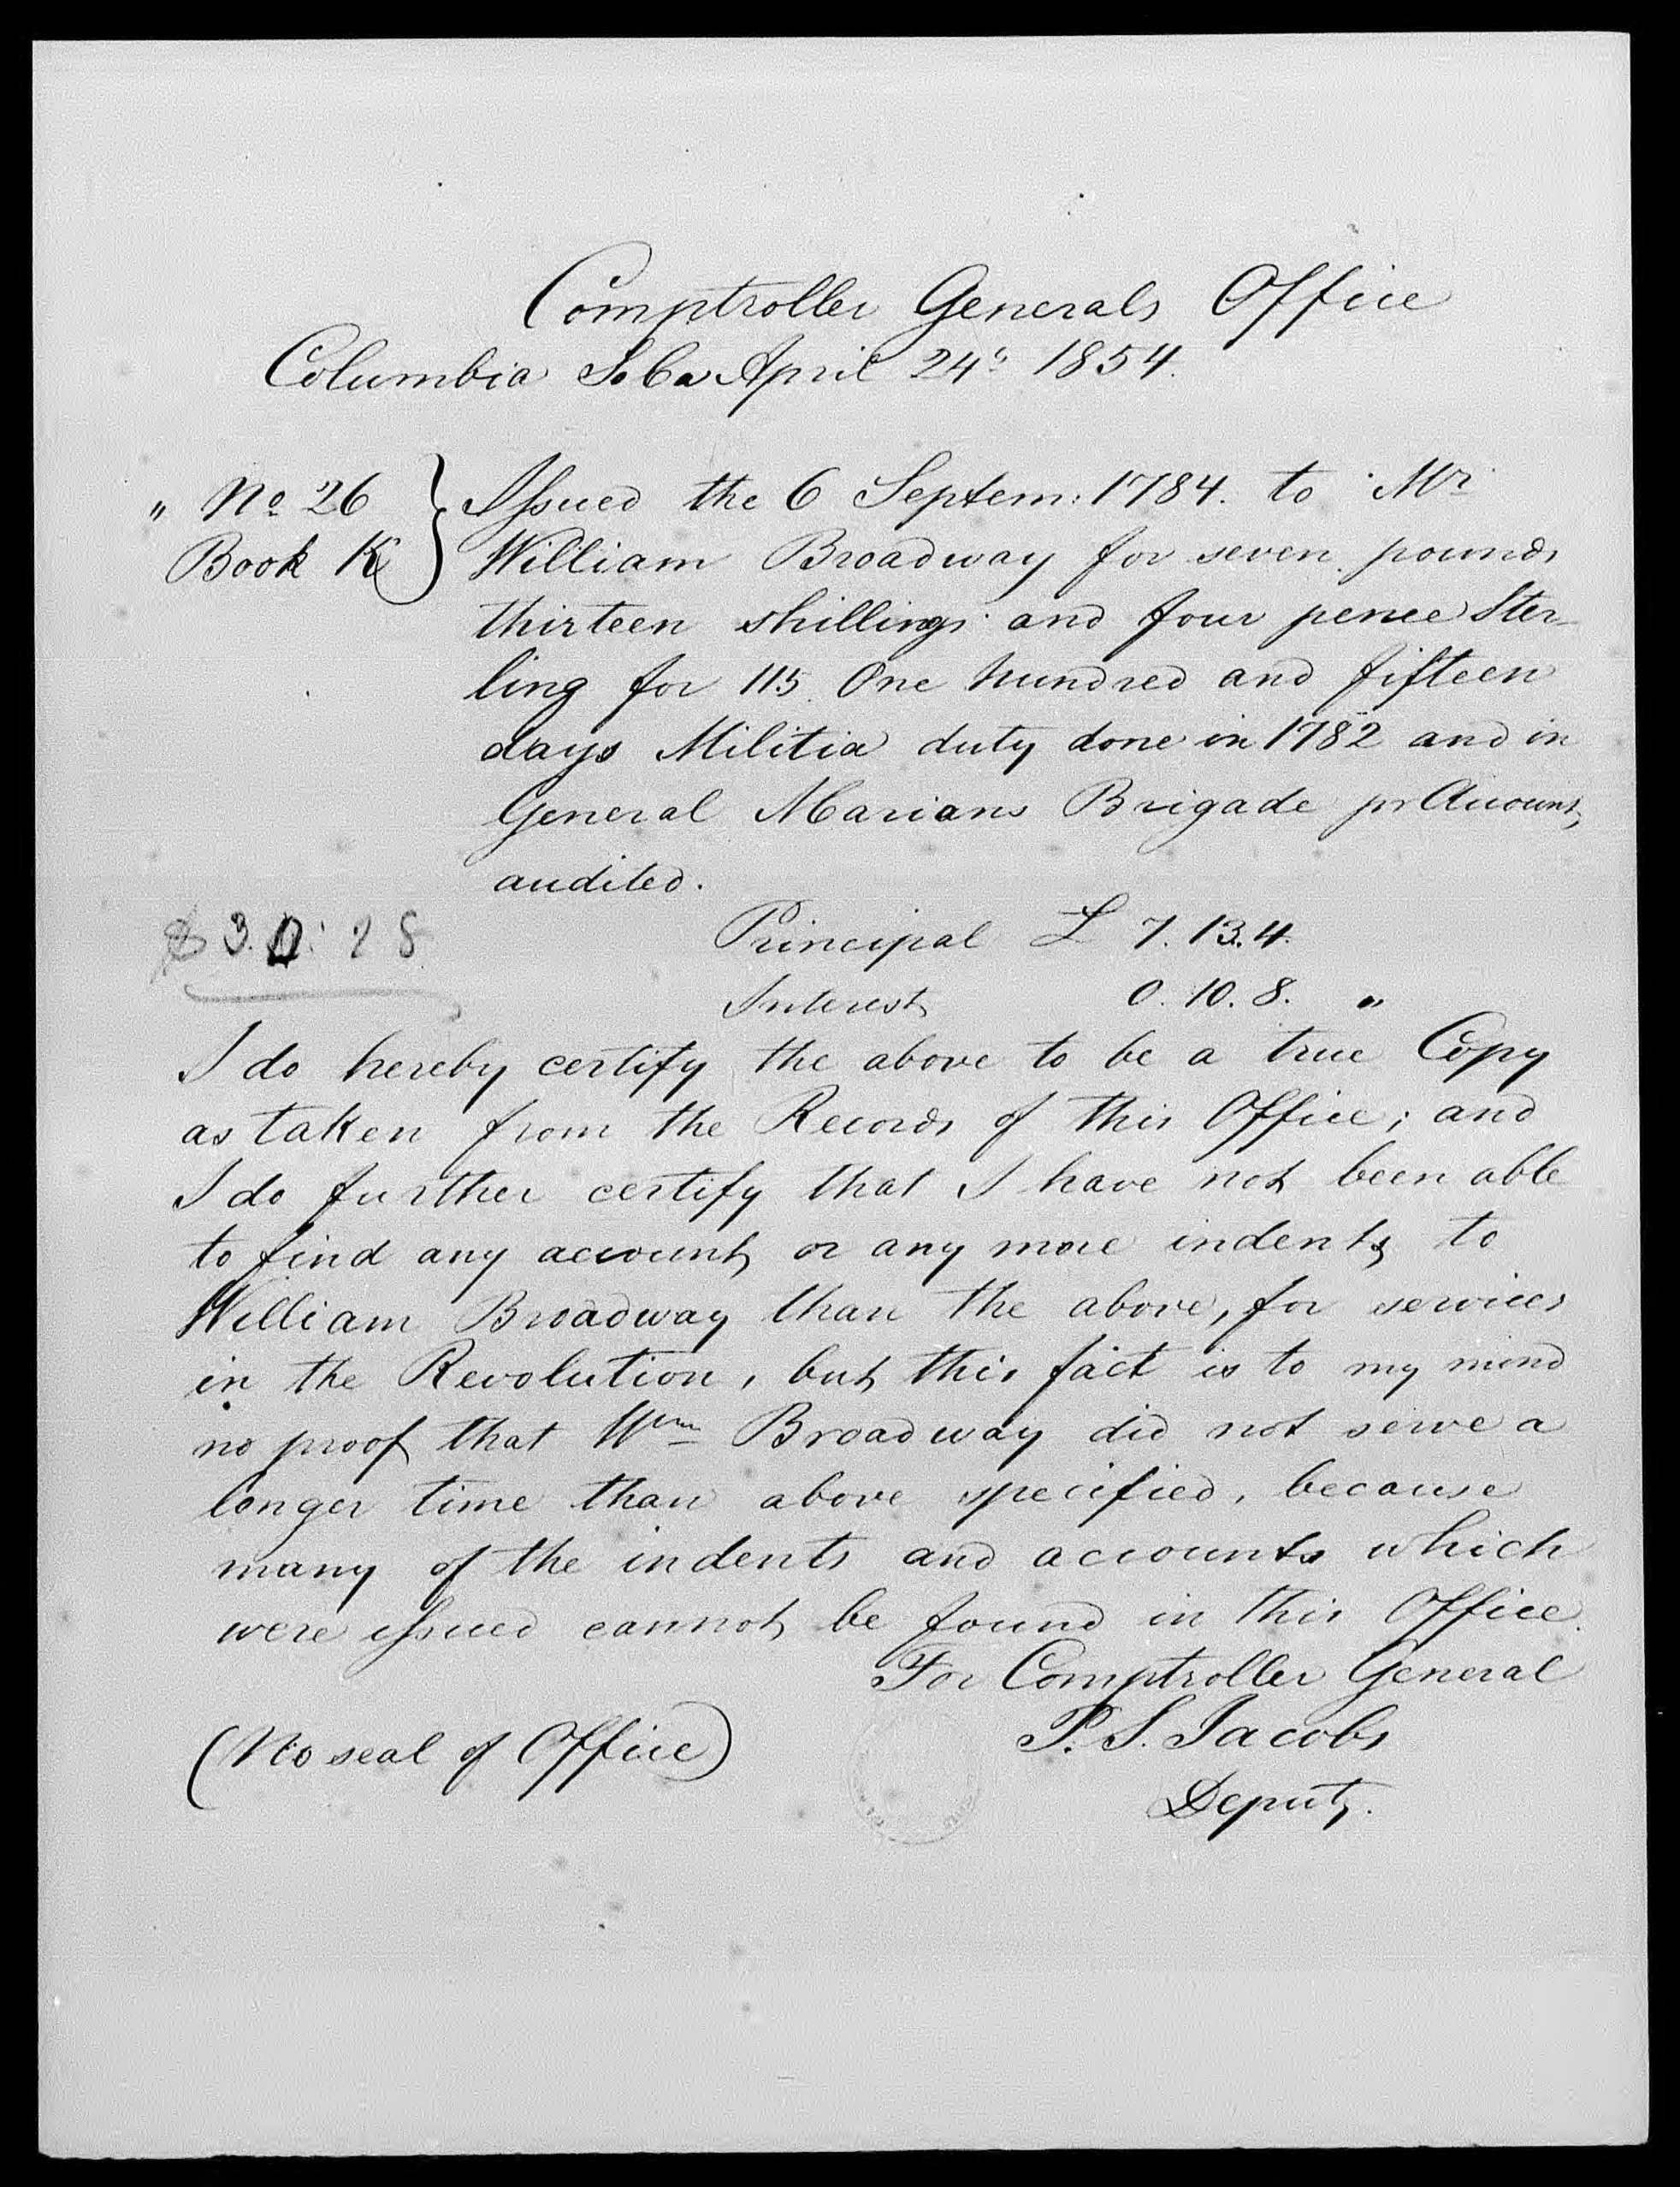Comptroller Generals Office
Columbia So Car April 24th 1854.

"No. 26 Book K Issued the 6 Septem 1784. to Mr. William Broadway for seven pounds thirteen shillings and four pence Sterling for 115. One hundred and fifteen days Militia duty done in 1782 and in General Marions Brigade for Account audited.
$30.28 Principal £ 7.13. 4
Interest 0. 10. 8"
I do hereby certify the above to be a true Copy as taken from the Records of this Office; and I do further certify that I have not been able to find any accounts or any more indents to William Broadway than the above, for services in the Revolution, but this fact is to my mind no proof that Wm Broadway did not serve a longer time than above specified, because many of the indents and accounts which were issued cannot be found in this Office.
For Comptroller General
P S Jacobs
Deputy
(No seal of Office)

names: William Broadway, Wm Broadway, William Broadway, P S Jacobs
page: 86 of 98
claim: widow's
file: W. 8398, William Broadway, S.C.